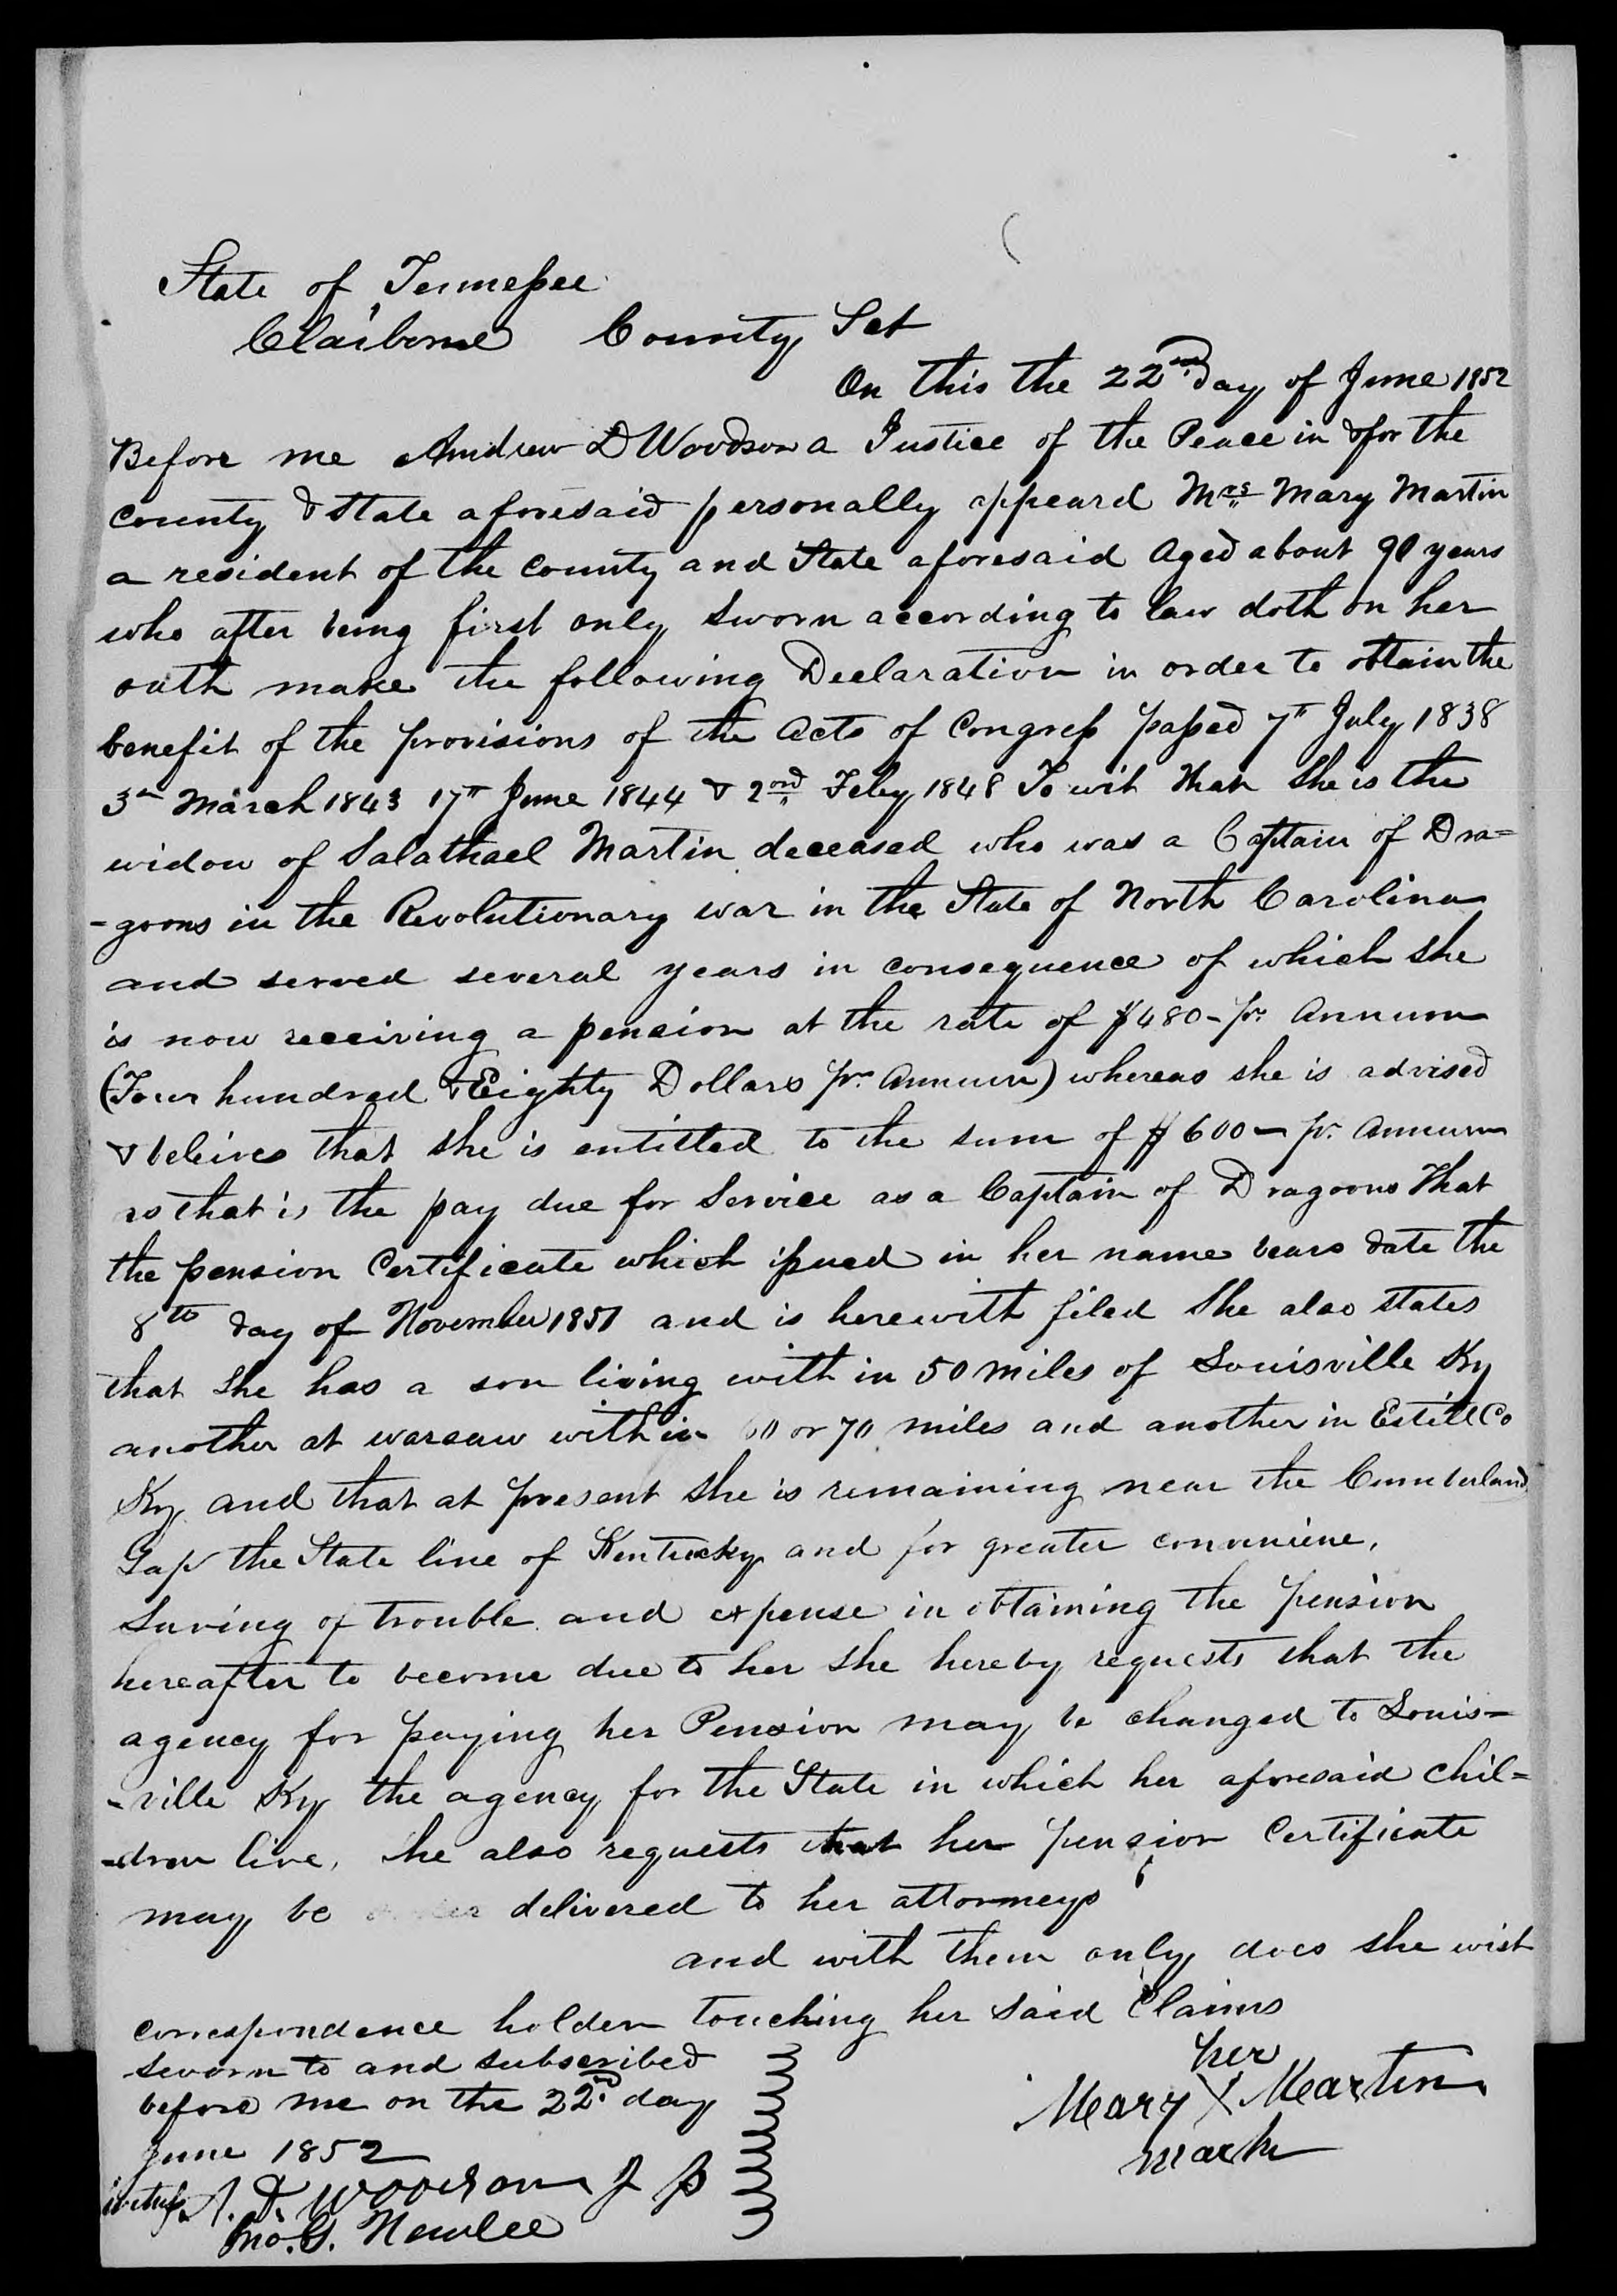State of Tennessee
Claiborne County Set
On this the 22nd day of June 1852
Before me Andrew D Woodson a Justice of the Peace in & for the
County & State aforesaid personally appeared Mrs Mary Martin
a resident of the County and State aforesaid aged about 90 years
who after being first only Sworn according to law doth on her
oath make the following Declaration in order to obtain the
benefit of the provisions of the Acts of Congress passed 7th July 1838
3d March 1843 17th June 1844 & 2nd Feby 1848 To wit that She is the
widow of Salathael Martin deceased who was a Captain of Dra=
goons in the Revolutionary war in the State of North Carolina
and served several years in consequence of which she
is now receiving a pension at the rate of $480 per annum
(Four hundred & Eighty Dollars pr annum) whereas she is advised
& believes that she is entitled to the sum of $600 - pr. Annum
as that is the pay due for Service as a Captain of Dragoons That 
the pension certificate which issued in her name bears date the
8th day of November 1851 and is herewith filed She also states
that She has a son living within 50 miles of Louisville Ky
another at Warsaw within 60 or 70 miles and another in Estill Co
Ky and that at present she is remaining near the Cumberland 
Gap the State line of Kentucky and for greater convenience,
Saving of trouble and expense in obtaining the pension
hereafter to become due to her She hereby requests that the
agency for paying her Pension may be changed to Louis
-ville Ky the agency for the State in which her aforesaid chil-
-dren live. She also requests that her pension certificate
may be [illegible] delivered to her attorneys
and with them only does she wish
correspondence holder touching her said Claims
Mary her x mark Martin
Sworn to and subscribed   )
before me on the 22d day )
June 1852                           )
[illegible] A.D.Woodson J P )
Jno. G. Newlee                    )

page: 113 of 120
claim: widow's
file: W. 1044, for Salathiel Martin, North Carolina